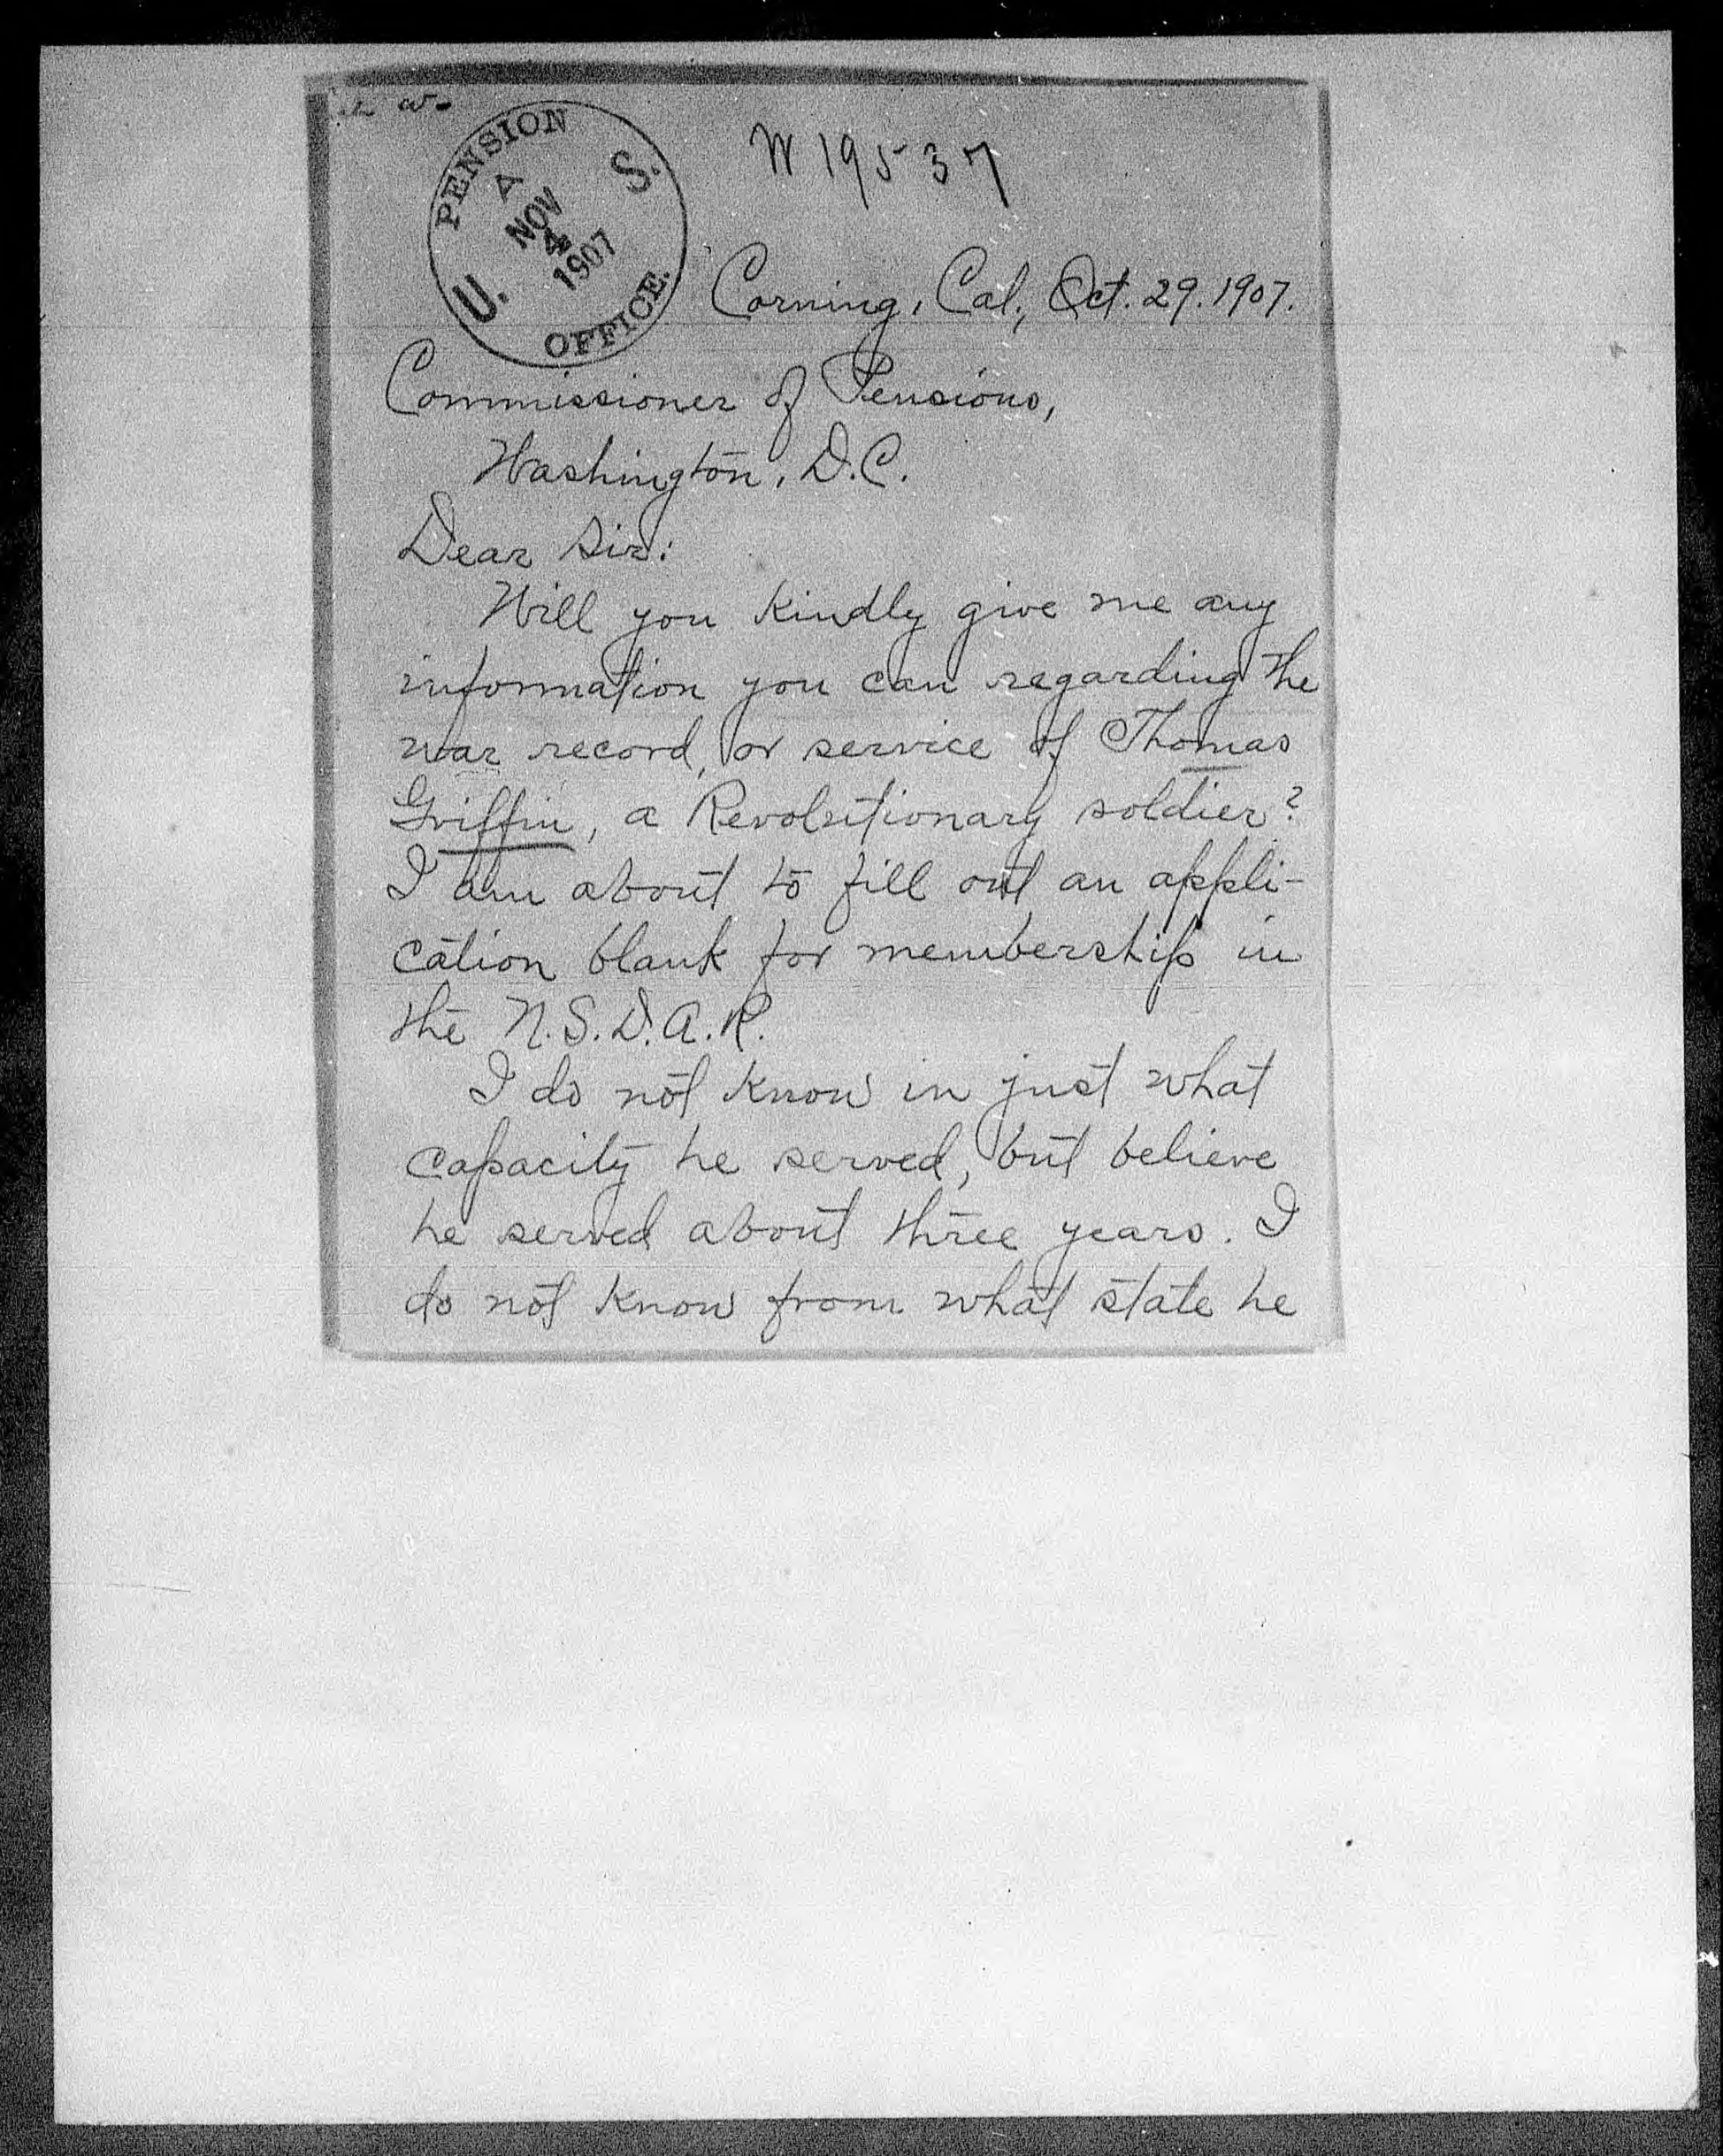Pension Office
A
Nov 4 1907
U.S.

W19537

Carning, Cal., Oct. 29. 1907

Commissioner of Pensions,
Washington, D.C.

Dear Sir:
Will you kindly give me any information you can regarding the war record, or service of Thomas Griffin, a Revolutionary soldier? I am about to fill out an application blank for membership in the N.S.D.A.R.
I do not know in just what capacity he served, but believe he served about three years. I do not know from what state he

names: Thomas Griffin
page: 54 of 60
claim: widow's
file: W. 19,537, Thomas Griffin, Conn.